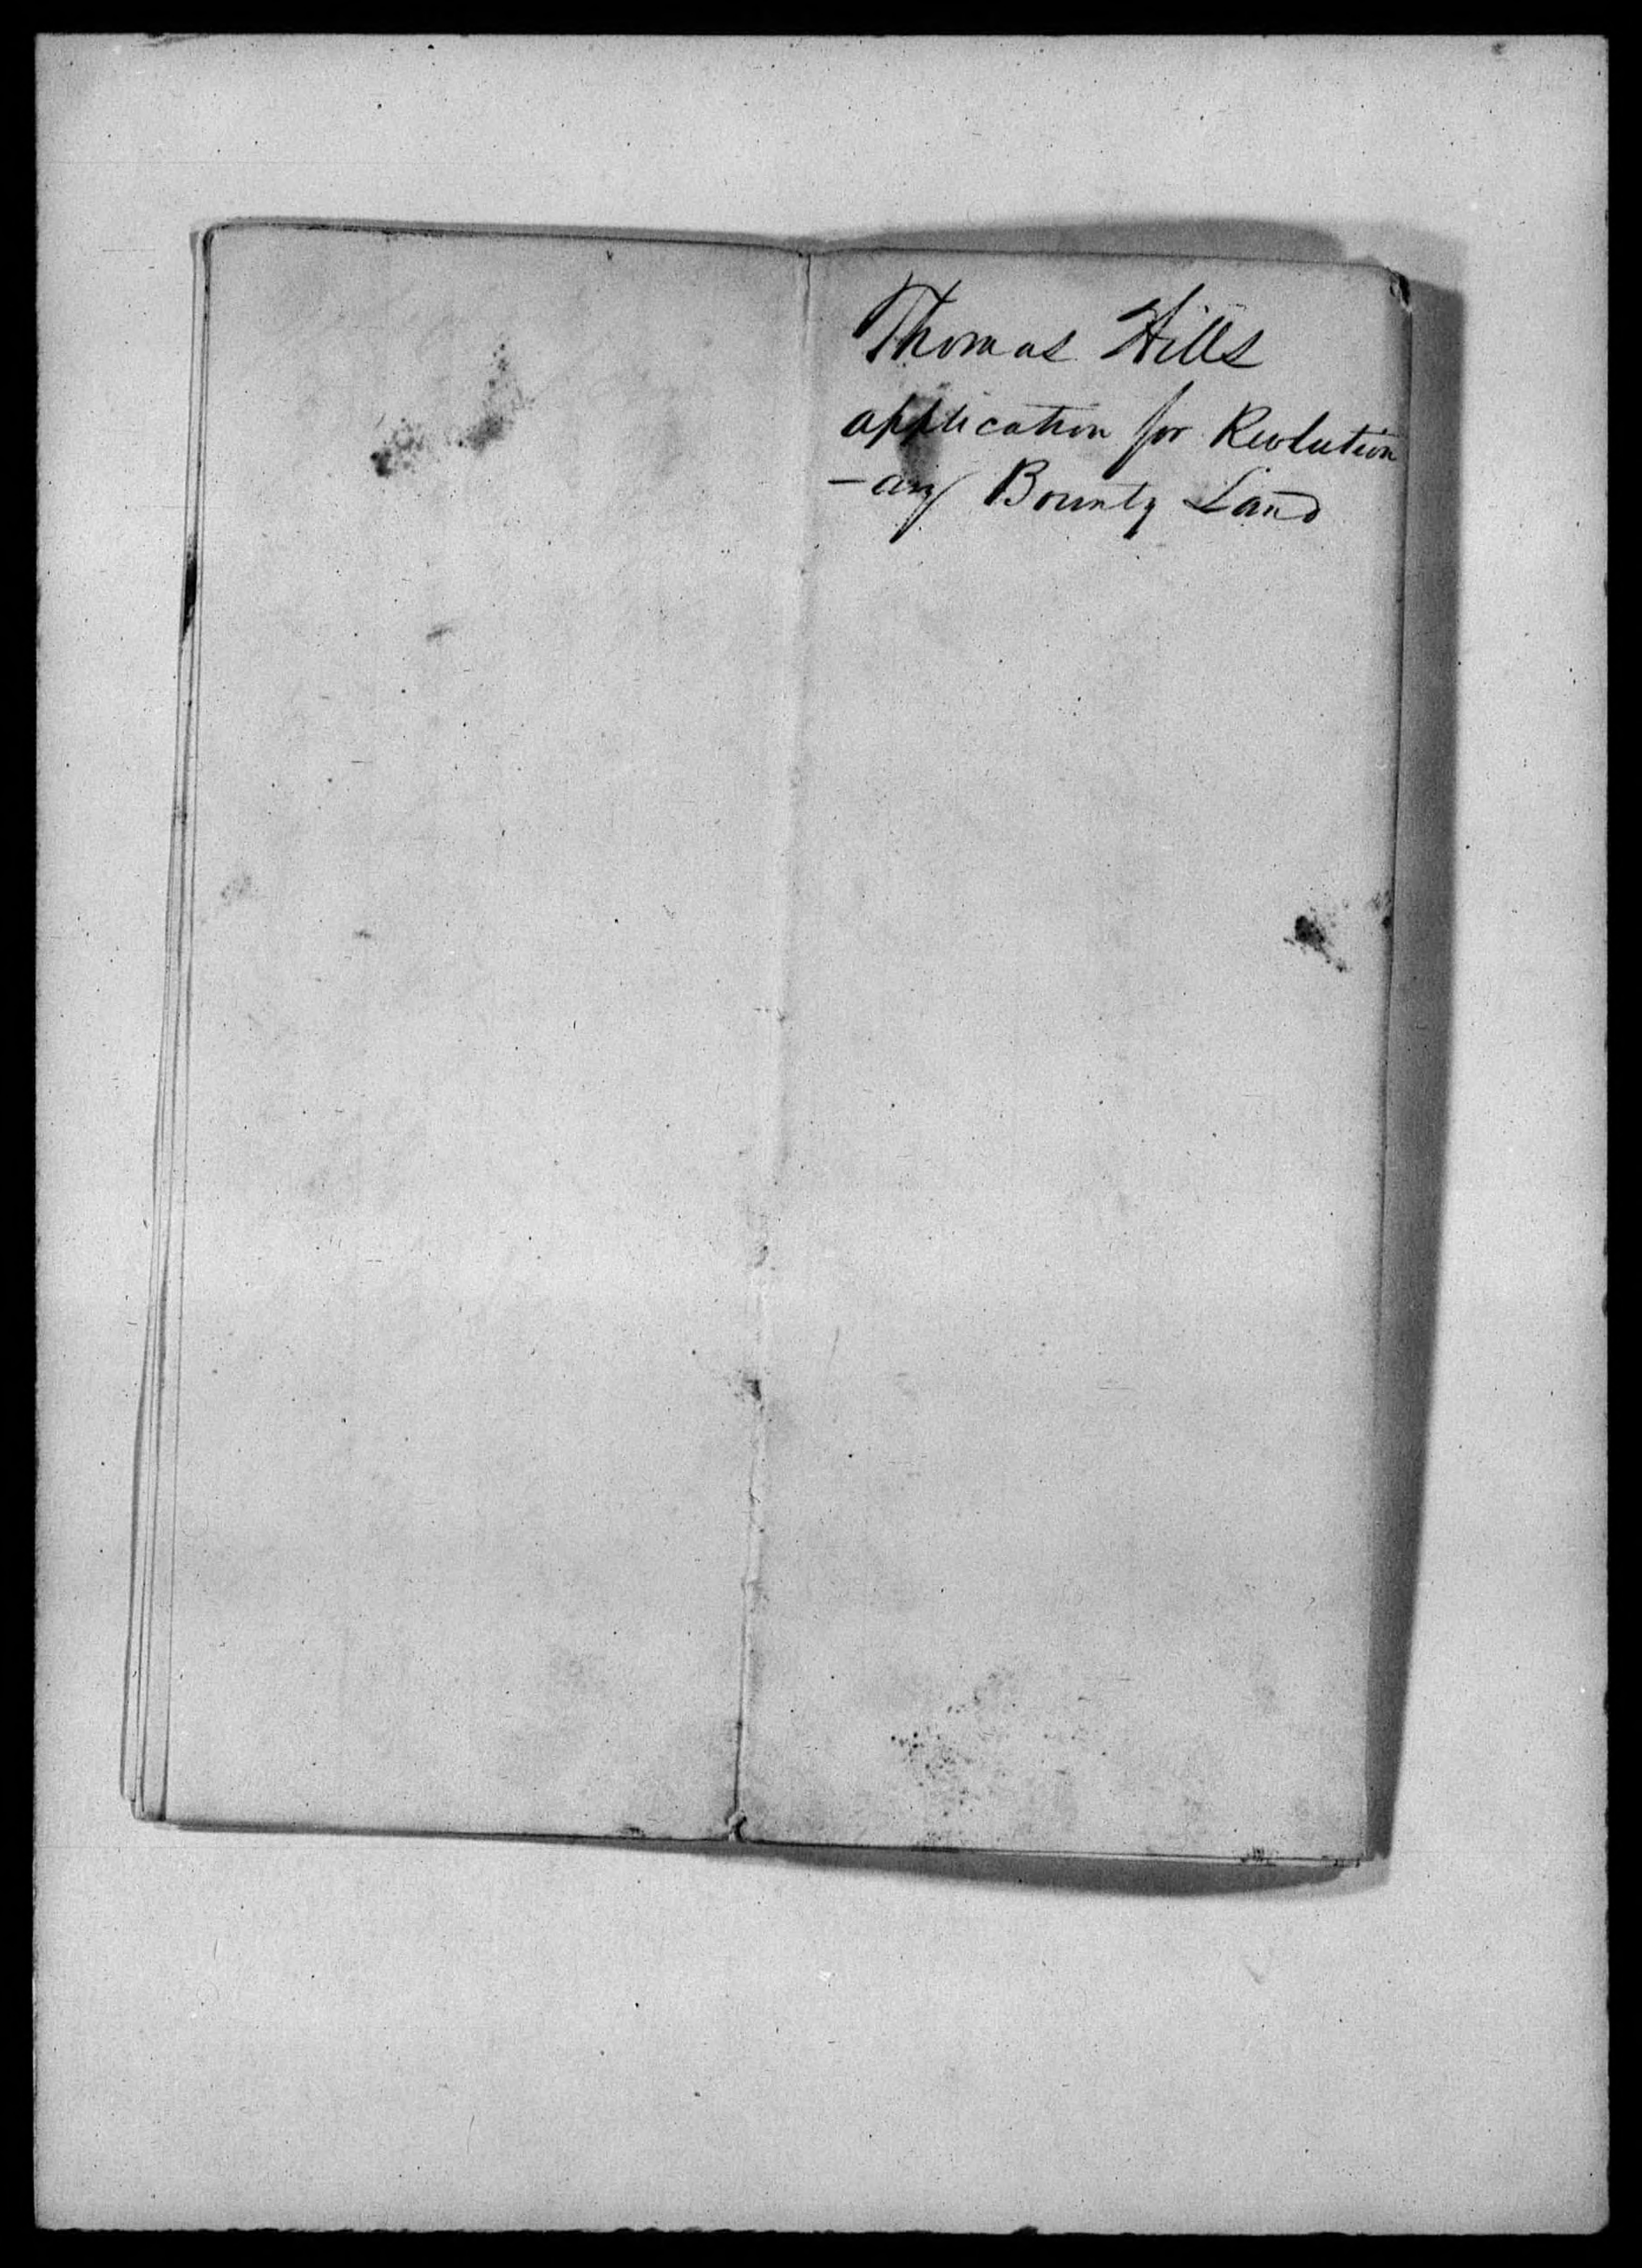[all handwritten]
Thomas Hills application for Revolutionary Bounty Land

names: Thomas Hill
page: 16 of 31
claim: survivor's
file: S. 43672, Thomas Hill, New York